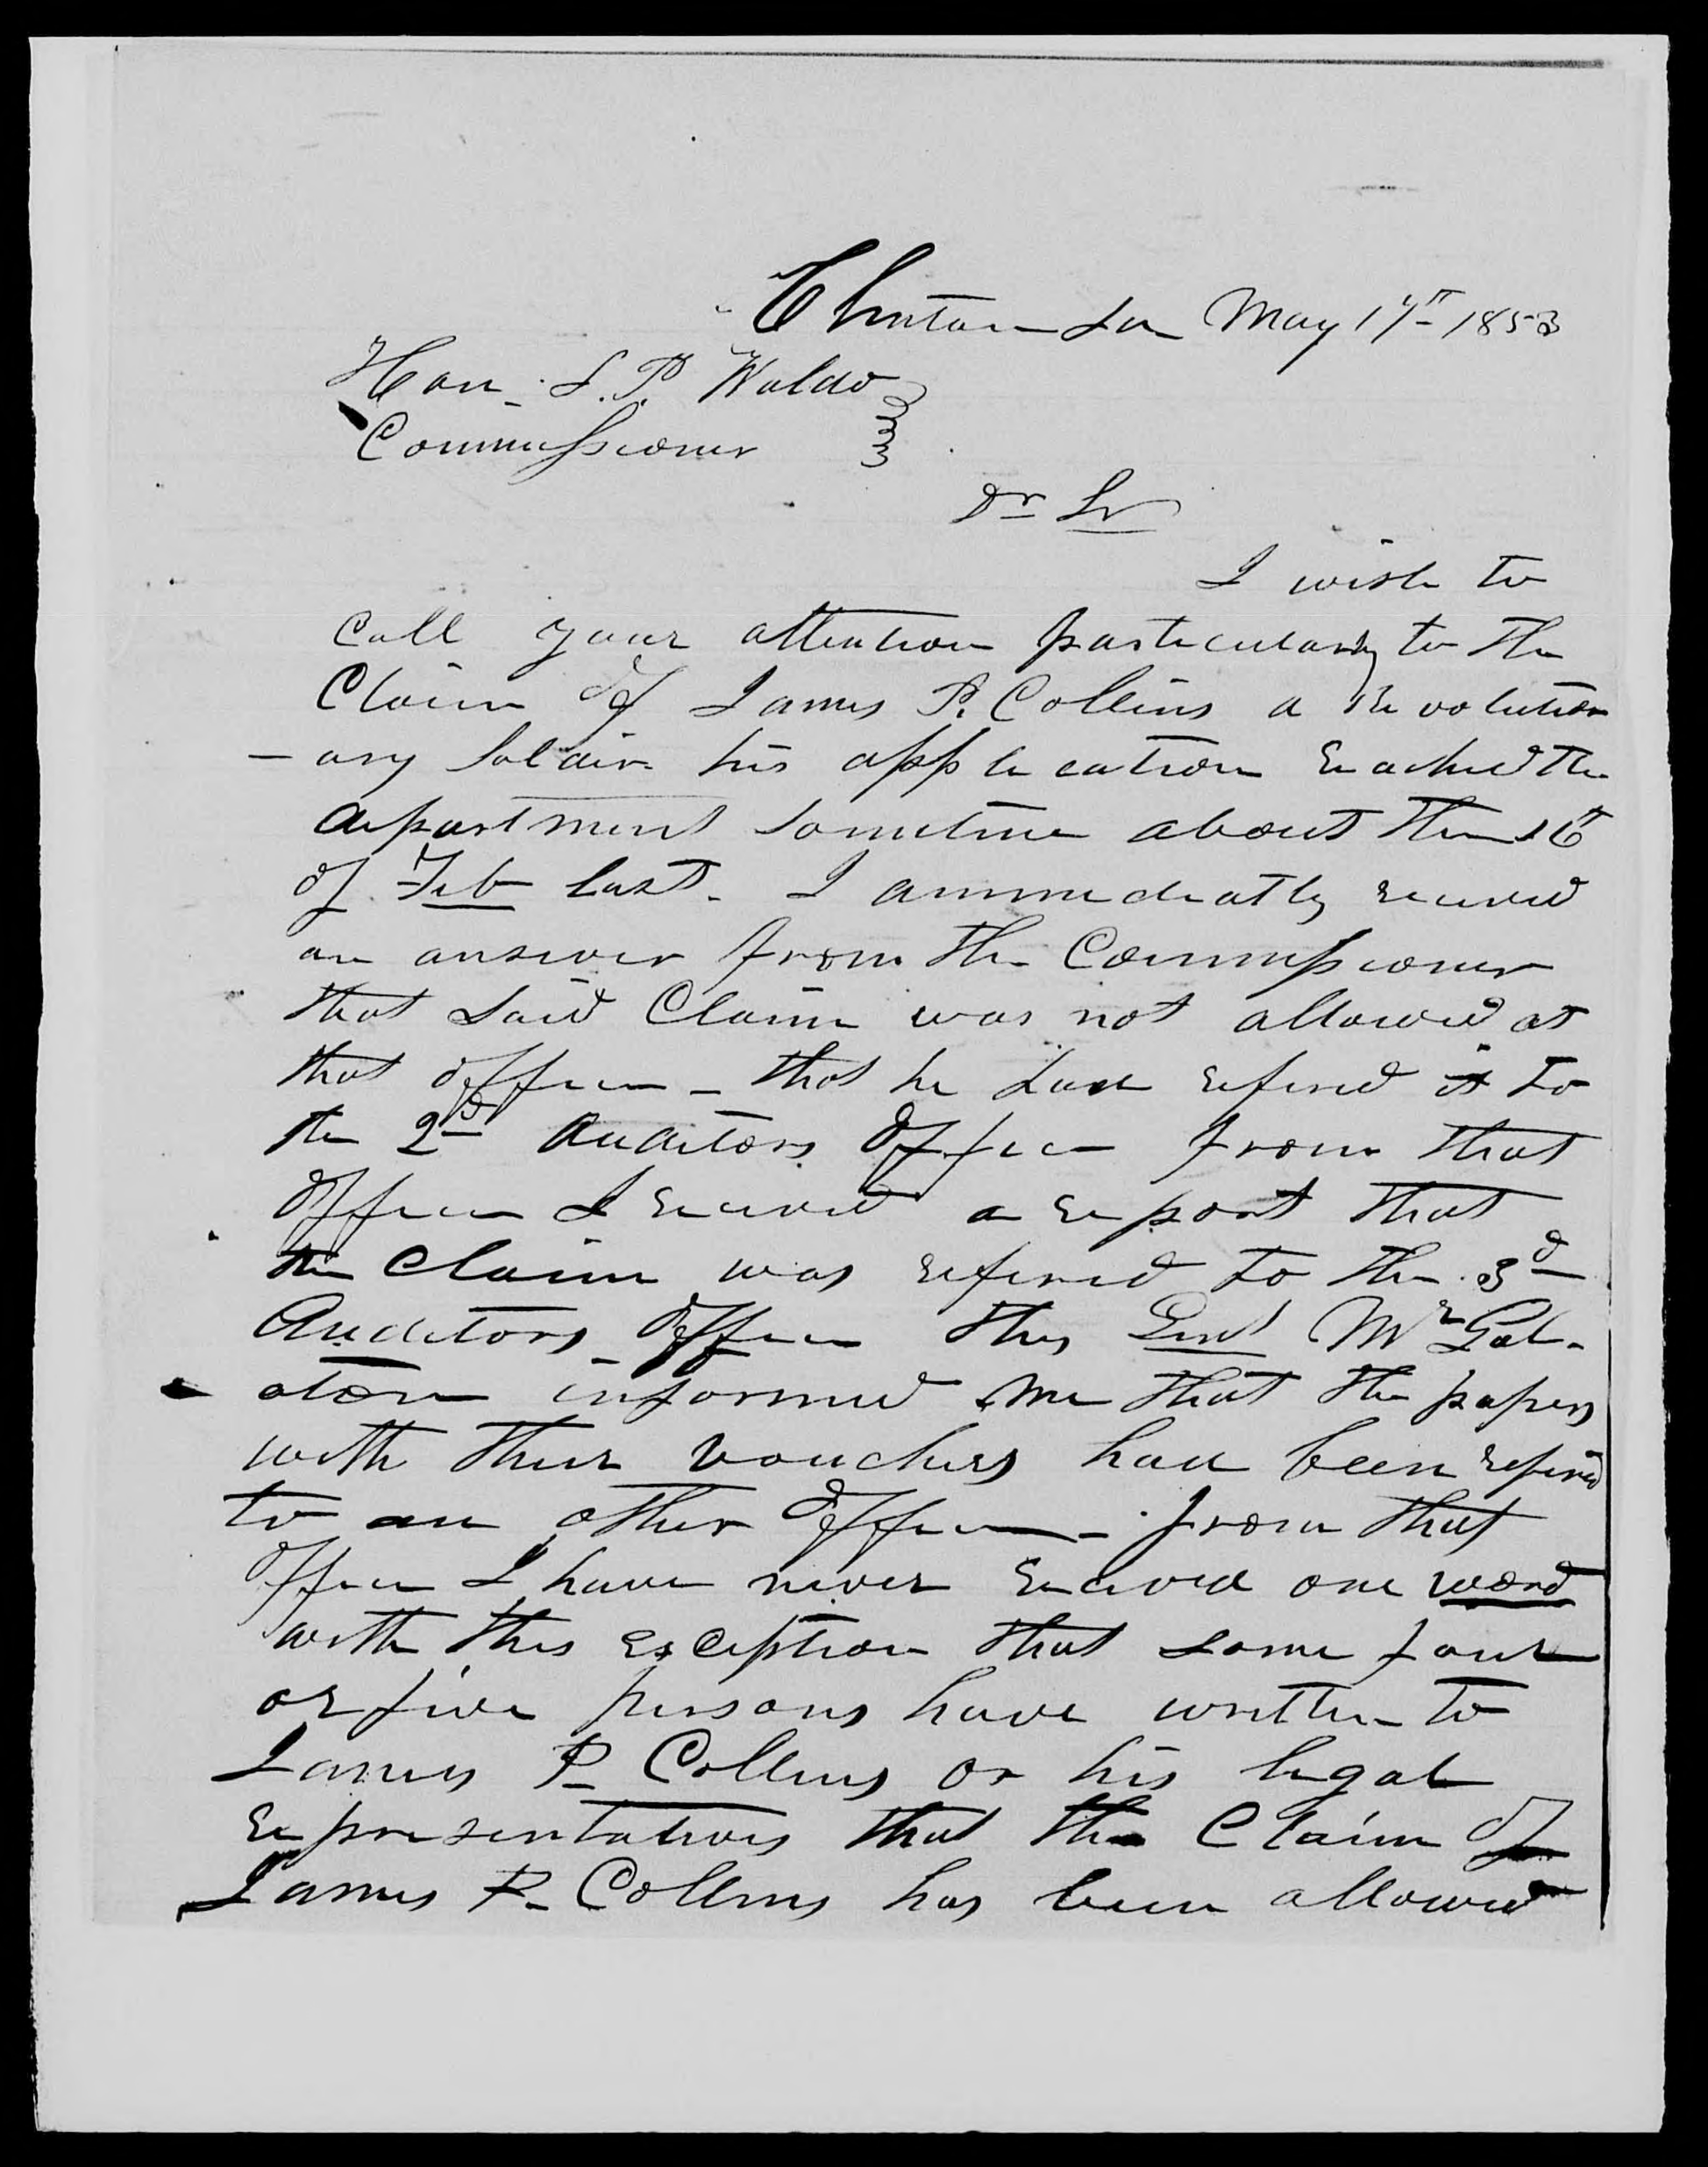Clinton La May 17th 1853
Hon L. P. Waldo
Commissioner

Dr Sir I wish to
call your attention particularly to the Claim of James P. Collins a Revolutionary solder his application reached the department sometime about the 16th of Feb last I immediately received
an answer from the Commissioner that said Claim was not allowed at that office-- that he had referred it to the 2nd Auditors Office from that office I received a a report that the claim was referred to the 3d Auditors Office this Gent Mr Galaton informed me that the papers with the vouchers had been referred to an other office-- from that office I have never received one word
with this exception that some four of five persons have written to James Collins or his legal
representatives that the claim of James F. Collins has been allowed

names: Galaton, James P Collins, James P Collins, James P Collins, L P Waldo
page: 24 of 48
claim: rejected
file: R. 2173, James P Collins, S. C.